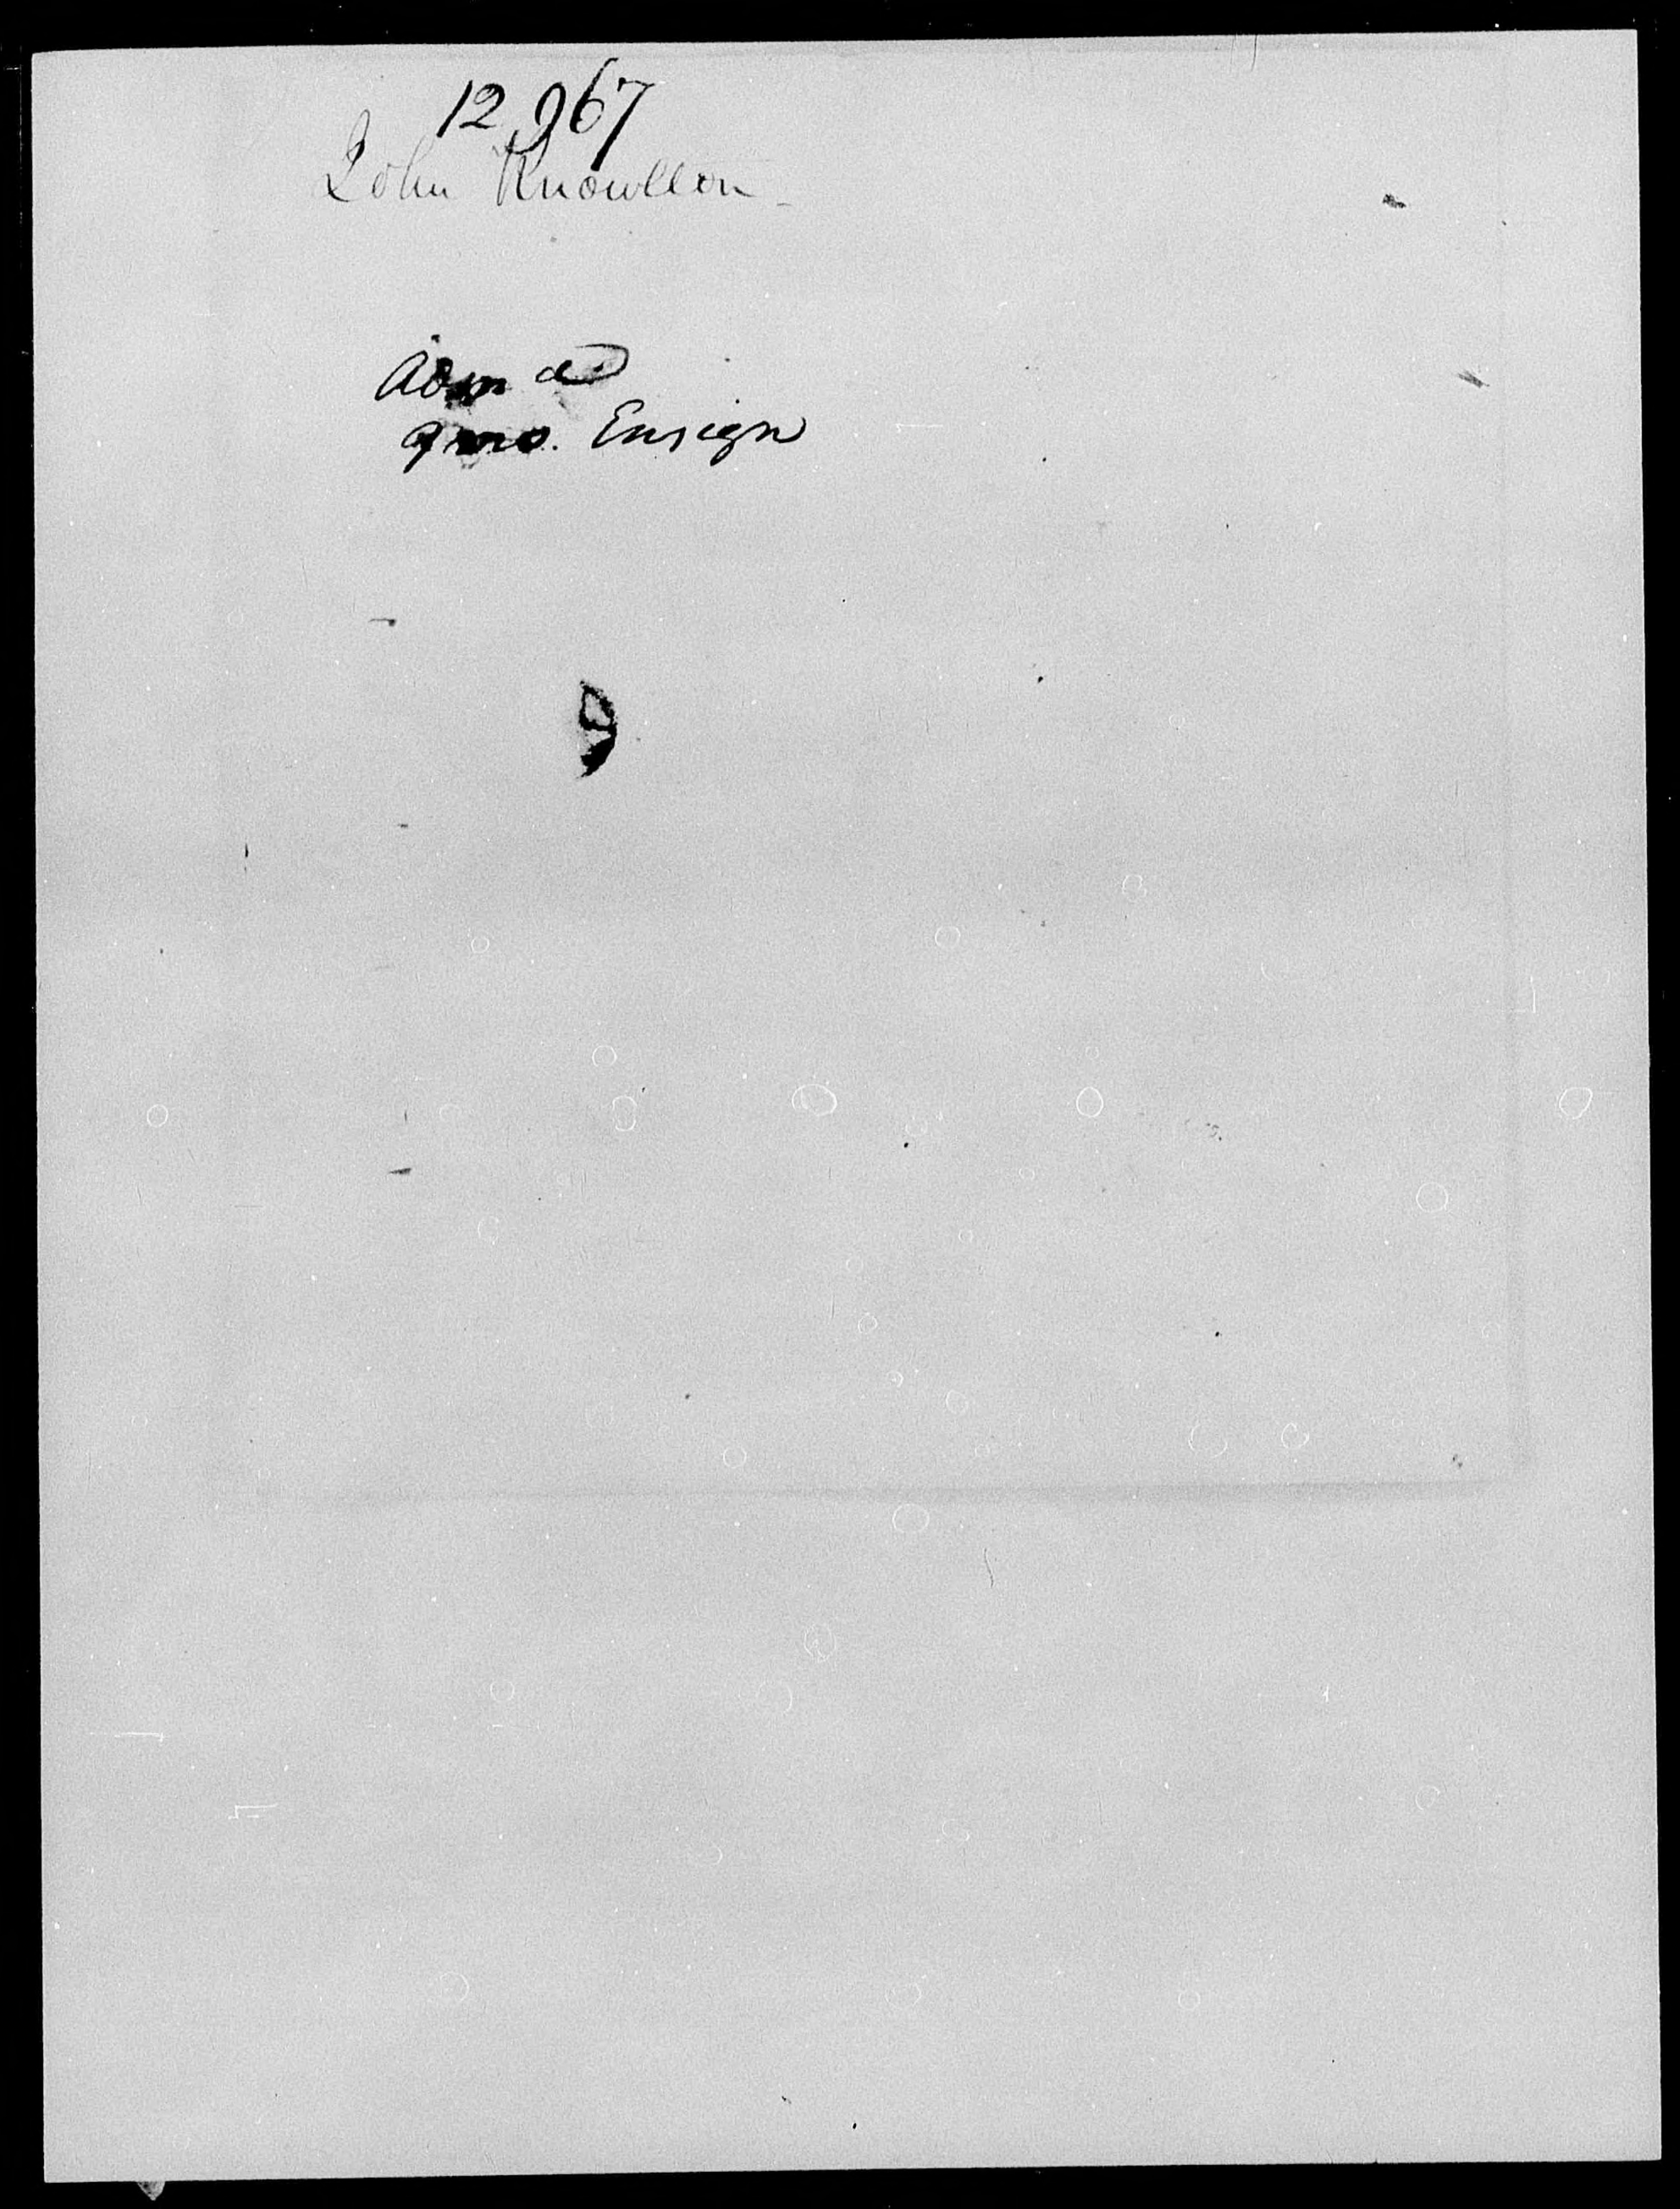12 967 
John Knowlton 

9 months 
Ensign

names: Jno Ensign; John Knowlton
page: 7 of 25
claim: survivor's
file: S. 13668, for John Knowlton, New York